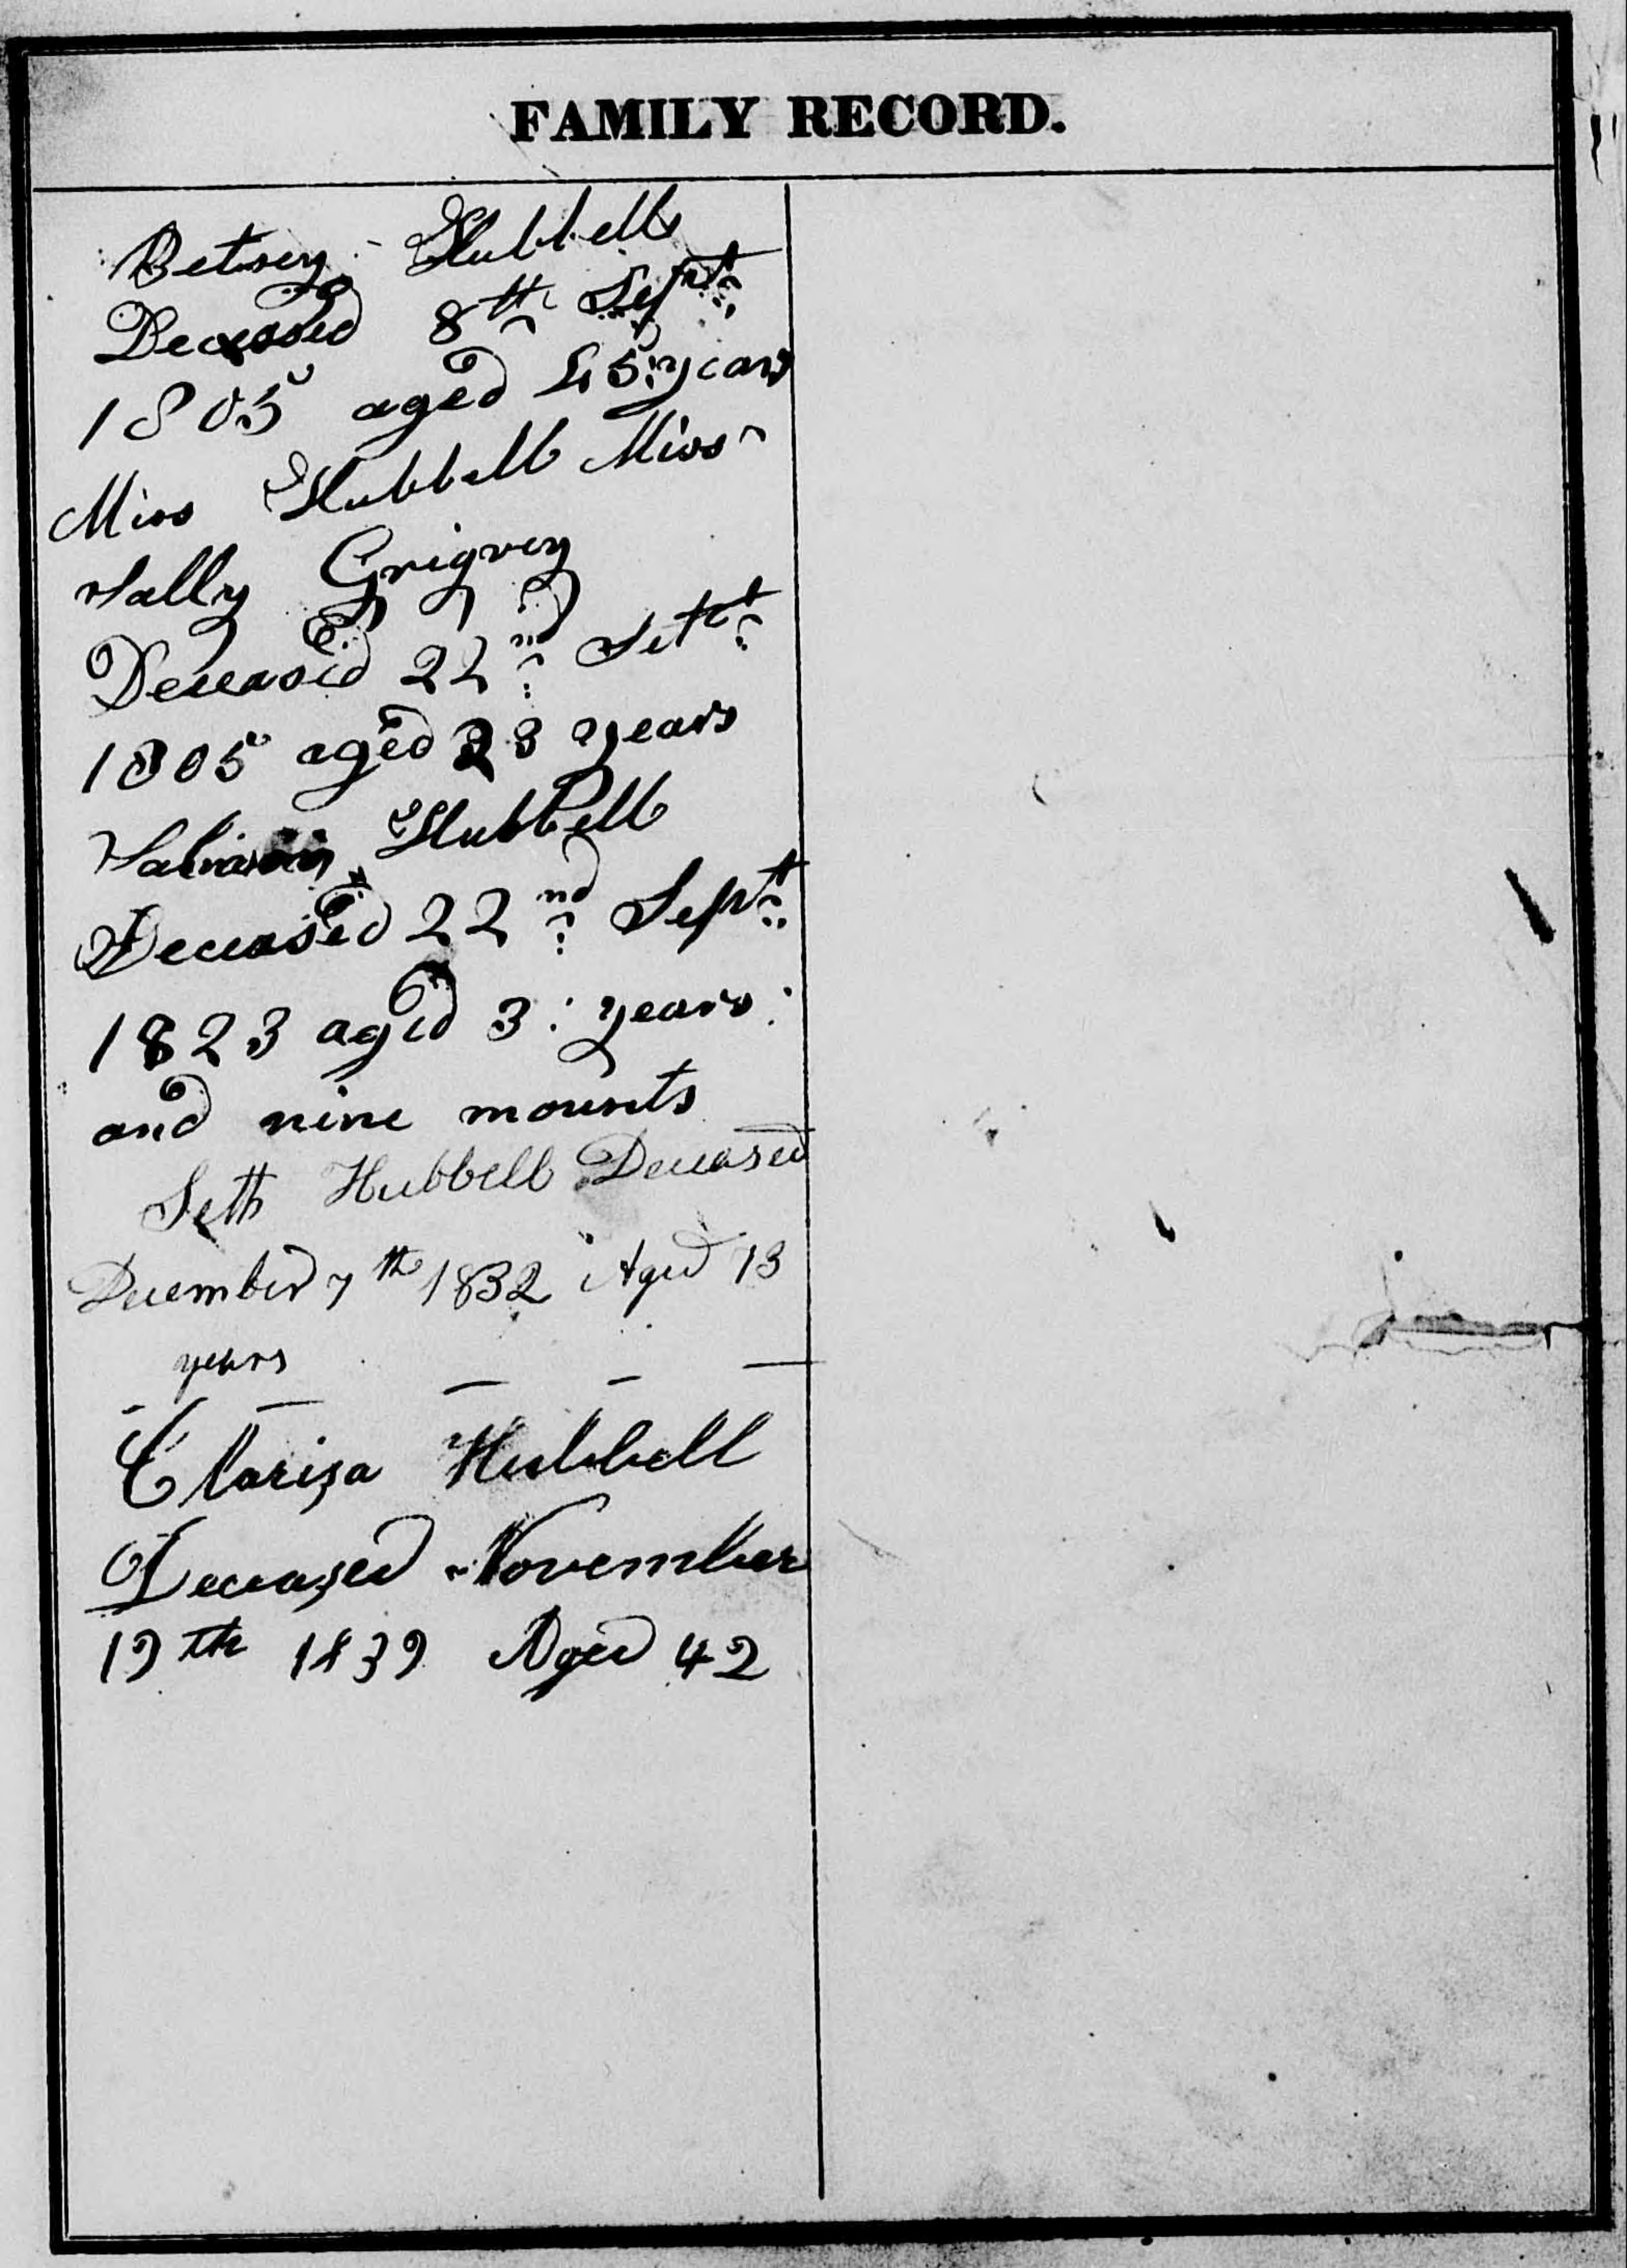Betsey Hubbell 
Deceased 8th Sept 
1805 aged 45 years,
Miss Hubbell Miss
Sally Grigvey
Deceased 22 Sept
1805 aged 28 years
Sabrina Hubbell
Deceased 22nd Sept
1823 aged 3 years 
and nine months
Seth Hubbell Deceased
December 7th 1832 Aged 13
Years
Clariza Hubbell
Deceased November
19th 1839 Aged 42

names: Clarisa Hubbell, Betsey Hubbell, Salmon Hubbell, Sally Grigrey, Seth Hubbell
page: 7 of 114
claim: widow's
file: W. 2115, Seth Hubbell, Conn.